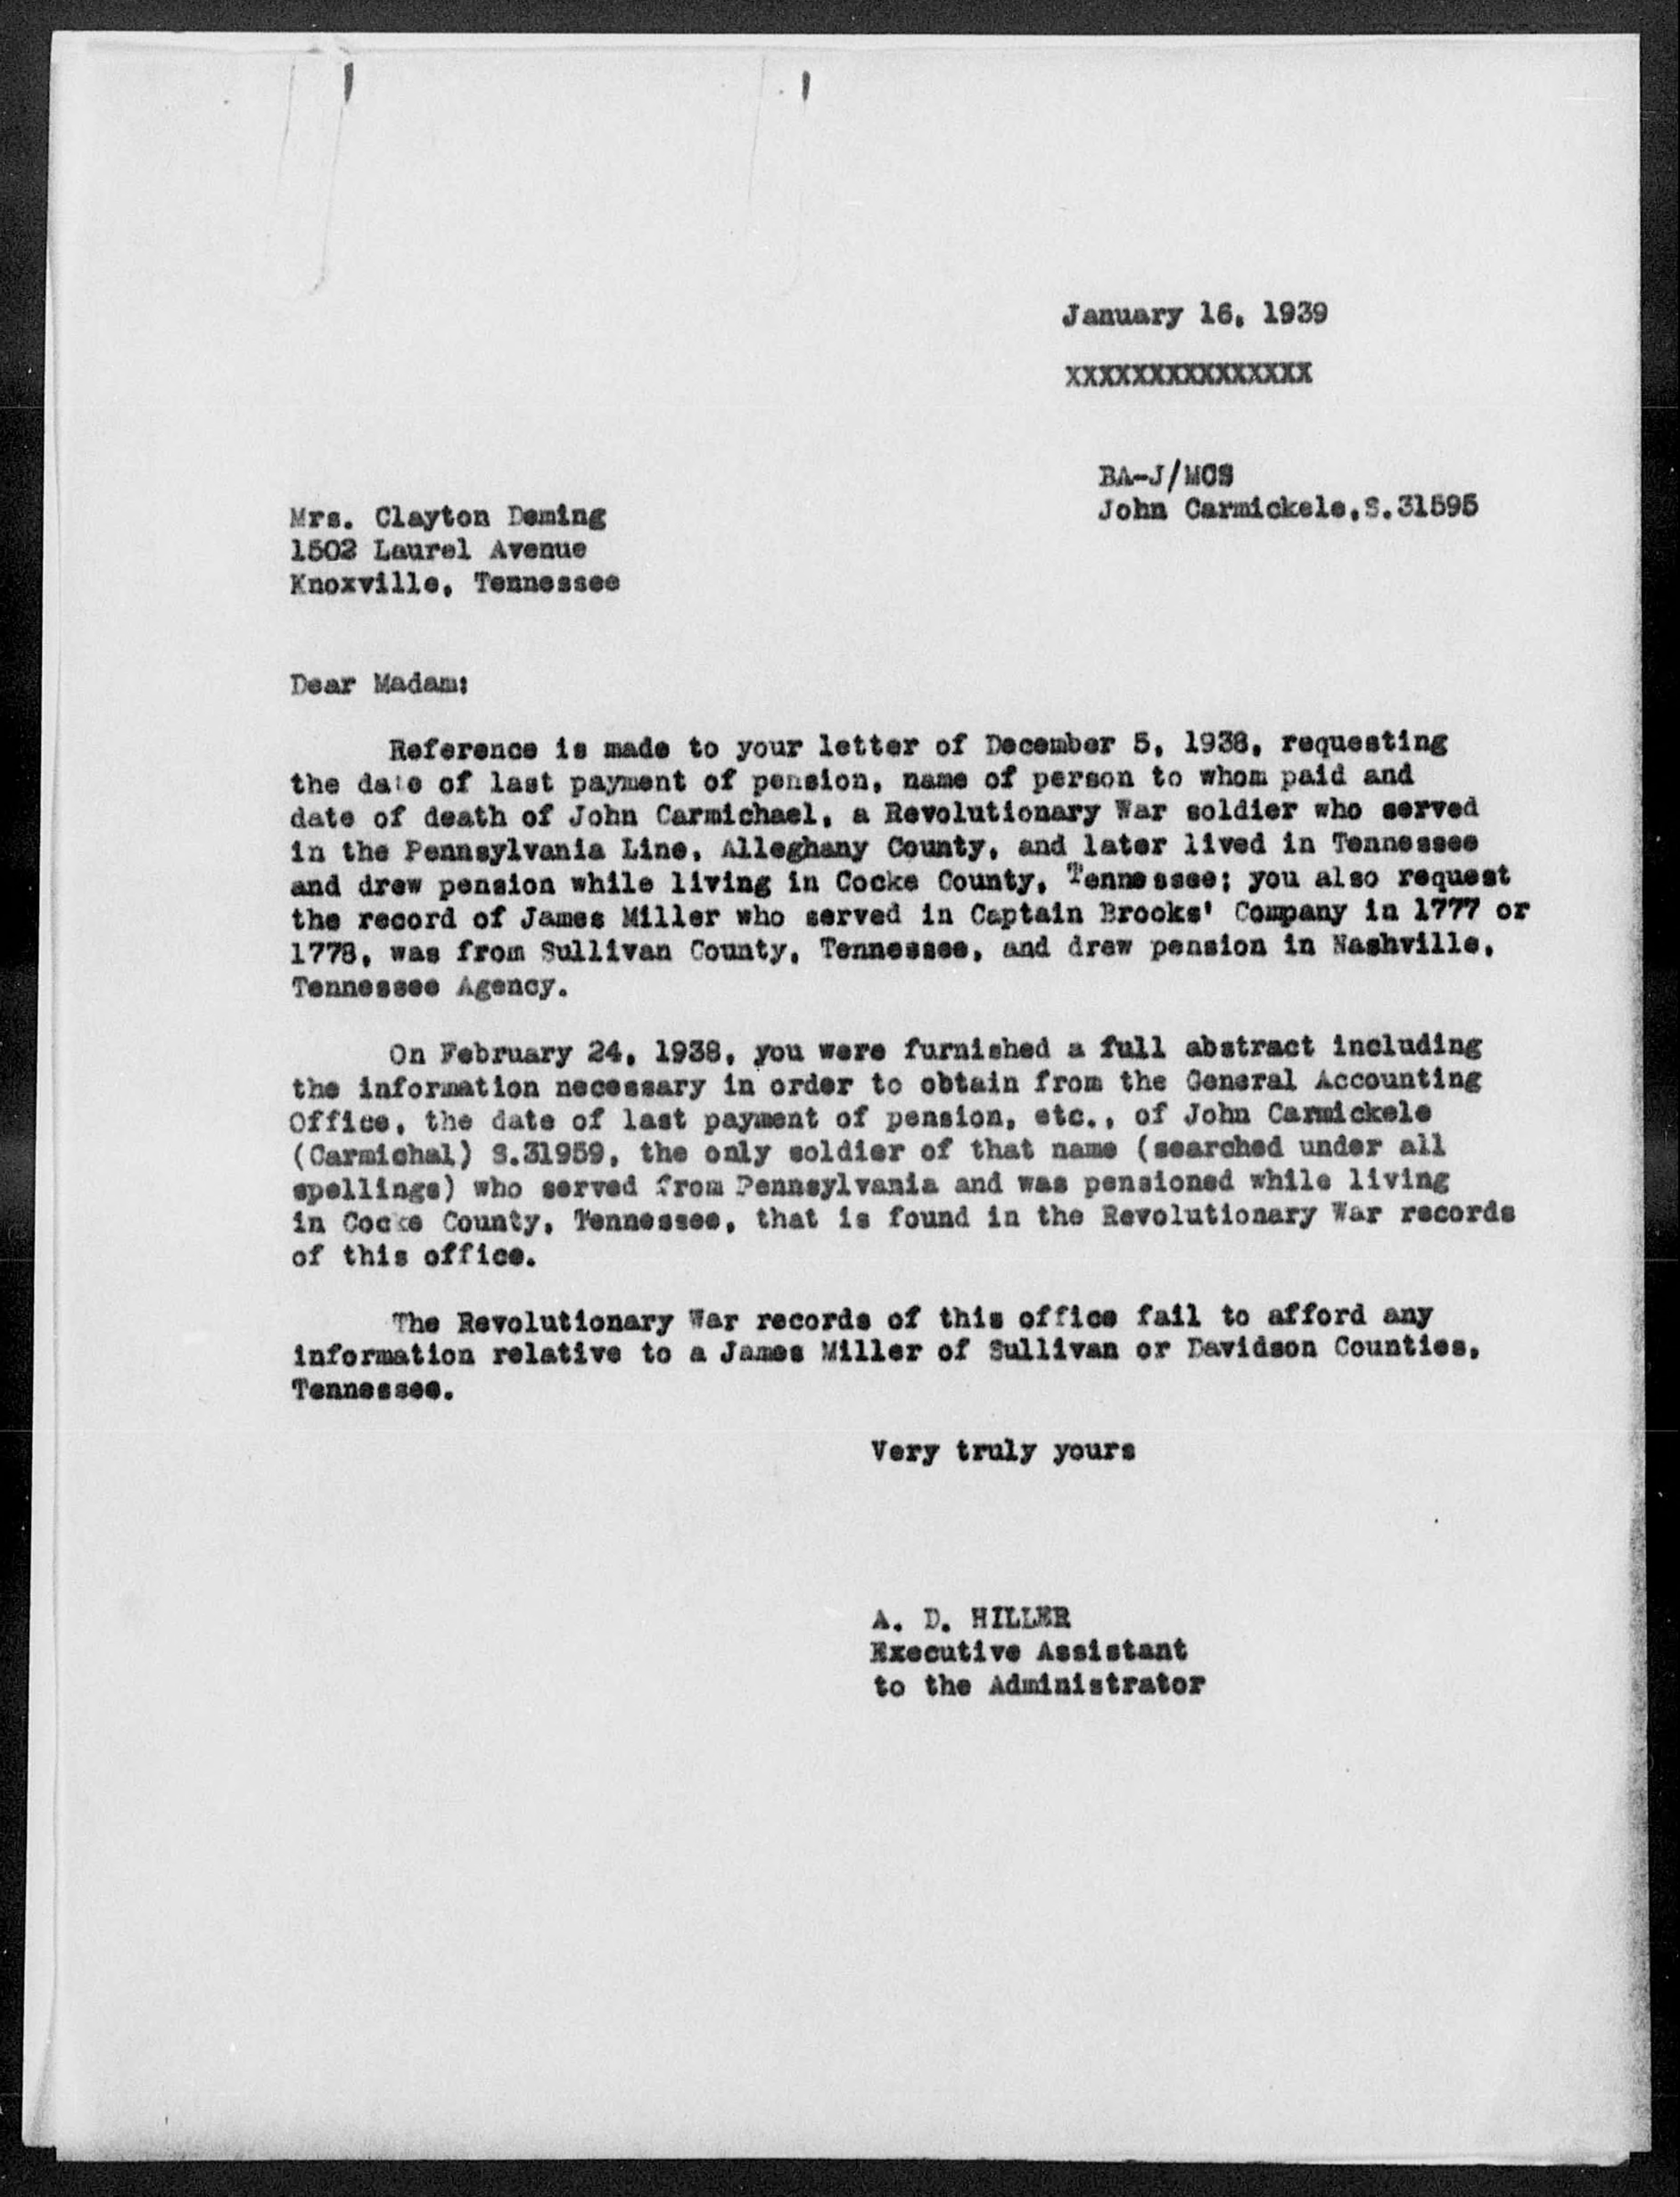January 16, 1939
XXXXXXXXXXXXXXX
Mrs. Clayton Deming
1502 Laurel Avenue
Knoxville, Tennessee
BA-J/McS
John Carmickele, S.31595
Dear Madam:
Reference is made to your letter of December 5, 1938, requesting the date of last payment of pension, name of person to whom paid and
date of death of John Carmichael, a Revolutionary War soldier who served
in the Pennsylvania Line, Alleghany County, and later lived in Tennessee and drew pension while living in Cocke County, Tennessee; you also request the record of James Miller who served in Captain Brooks' Company in 1777 or
1778, was from Sullivan County, Tennessee, and drew pension in Nashville, Tennessee Agency.
On February 24, 1938, you were furnished a full abstract including the information necessary in order to obtain from the General Accounting
Office, the date of last payment of pension, etc., of John Carmickele (Carmichal) S.31959, the only soldier of that name (searched under all spellings) who served from Pennsylvania and was pensioned while living in Cocke County, Tennessee, that is found in the Revolutionary War records of this office.
The Revolutionary War records of this office fail to afford any information relative to a James Miller of Sullivan or Davidson Counties,
Tennessee.

Very truly yours
A. D. HILLER
Executive Assistant
to the Administrator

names: James Miller, James Miller, Clayton Deming, John Carmichael, John Carmichal, John Carmickele, A D Hiller, John Carmickele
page: 37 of 42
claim: survivor's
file: S. 31,595, John Carmickele, Penn.